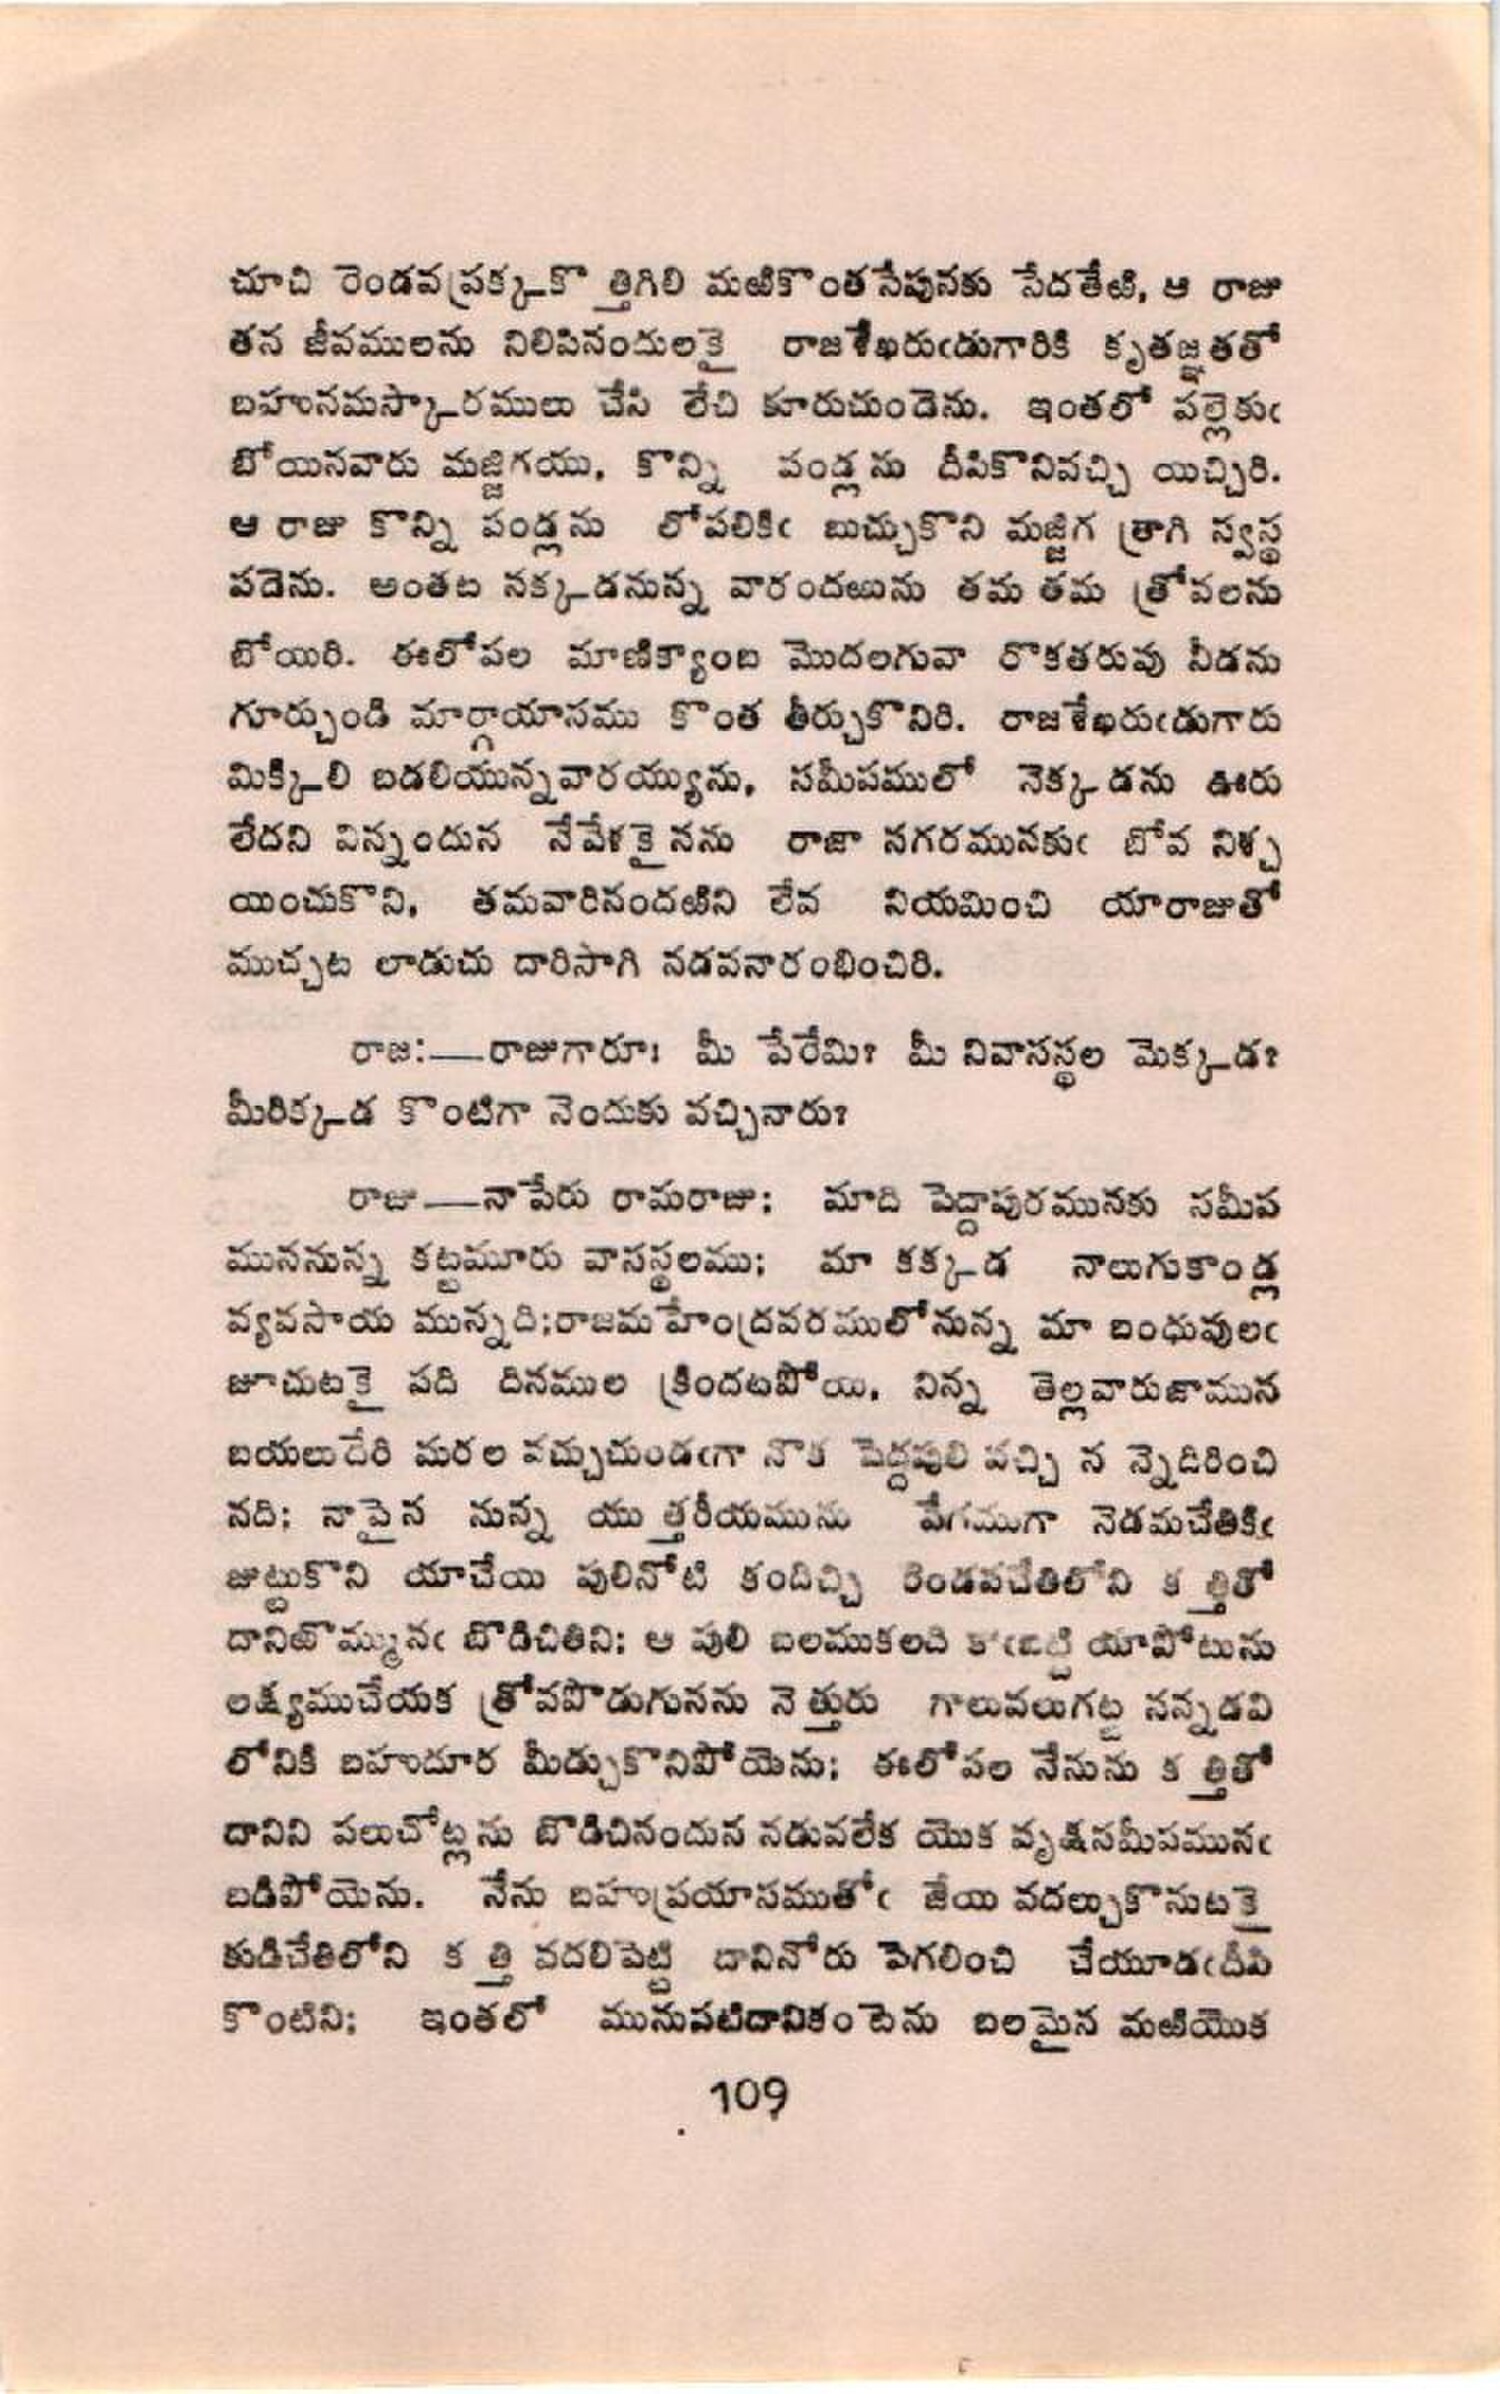చూచి రెండవ ప్రక్కకొత్తిగిలి మఱికొంతసేపునకు సేద తేఱి, ఆ రాజు తన జీవములను నిలిపినందులకై రాజశేఖరుఁడుగారికి కృతజ్ఞతతో బహనమస్కారములు చేసి లేచి కూరుచుండెను. ఇంతలో పల్లెకుఁ బోయినవారు మజ్జిగయు, కొన్ని పండ్లను దీసికొనివచ్చి యిచ్చిరి. ఆ రాజు కొన్ని పండ్లను లోపలికిఁ బుచ్చుకొని మజ్జిగ త్రాగి స్వస్థ పడెను. అంతట నక్కడనున్న వారందఱును తమ తమ త్రోవలను బోయిరి. ఈలోపల మాణిక్యాంబ మొదలగువా రొక తరువు నీడను గూర్చుండి మార్గాయాసము కొంత తీర్చుకొనిరి. రాజశేఖరుఁడుగారు మిక్కిలి బడలియున్నవారయ్యను, సమీపములో నెక్కడను ఊరు లేదని విన్నందున నేవేళకైనను రాజా నగరమునకుఁ బోవ నిశ్చ యించుకొని, తమవారినందఱిని లేవ నియమించి యారాజుతో ముచ్చట లాడుచు దారిసాగి నడవనారంభించిరి.

రాజ:__రాజుగారూ! మీ పేరేమి? మీ నివాసస్థల మెక్కడ? మీరిక్కడ కొంటిగా నెందుకు వచ్చినారు?

రాజు__నాపేరు రామరాజు; మాది పెద్దాపురమునకు సమీప ముననున్న కట్టమూరు వాసస్థలము; మా కక్కడ నాలుగు కాండ్ల వ్యవసాయ మున్నది:రాజమహేంద్రవరములోనున్న మా బంధువులఁ జూచుటకై పది దినముల క్రిందటపోయి, నిన్న తెల్లవారుజామున బయలుదేరి మరల వచ్చుచుండఁగా నొక పెద్దపులి వచ్చి న న్నెదిరించి నది; నాపైన నున్న యుత్తరీయమును వేగముగా నెడమచేతికిఁ జుట్టుకొని యాచేయి పులినోటి కందిచ్చి రెండవచేతిలోని కత్తితో దాని ఱొమ్మునఁ బొడిచితిని; ఆ పులి బలముకలది కాఁబట్టి యాపోటును లక్ష్యముచేయక త్రోవపొడుగునను నెత్తురు గాలువలగట్ల నన్నడవి లోనికి బహుదూర మీడ్చుకొనిపోయెను; ఈలోపల నేనును కత్తితో దానిని పలుచోట్లను బొడిచినందున నడువలేక యొక వృక్షసమీపమునఁ బడిపోయెను. నేను బహప్రయాసముతోఁ జేయి వదల్చుకొనుటకై కుడిచేతిలోని కత్తి వదలిపెట్టి దానినోరు పెగలించి చేయూడఁదీసి కొంటిని; ఇంతలో మునుపటిదానికంటెను బలమైన మఱియొక